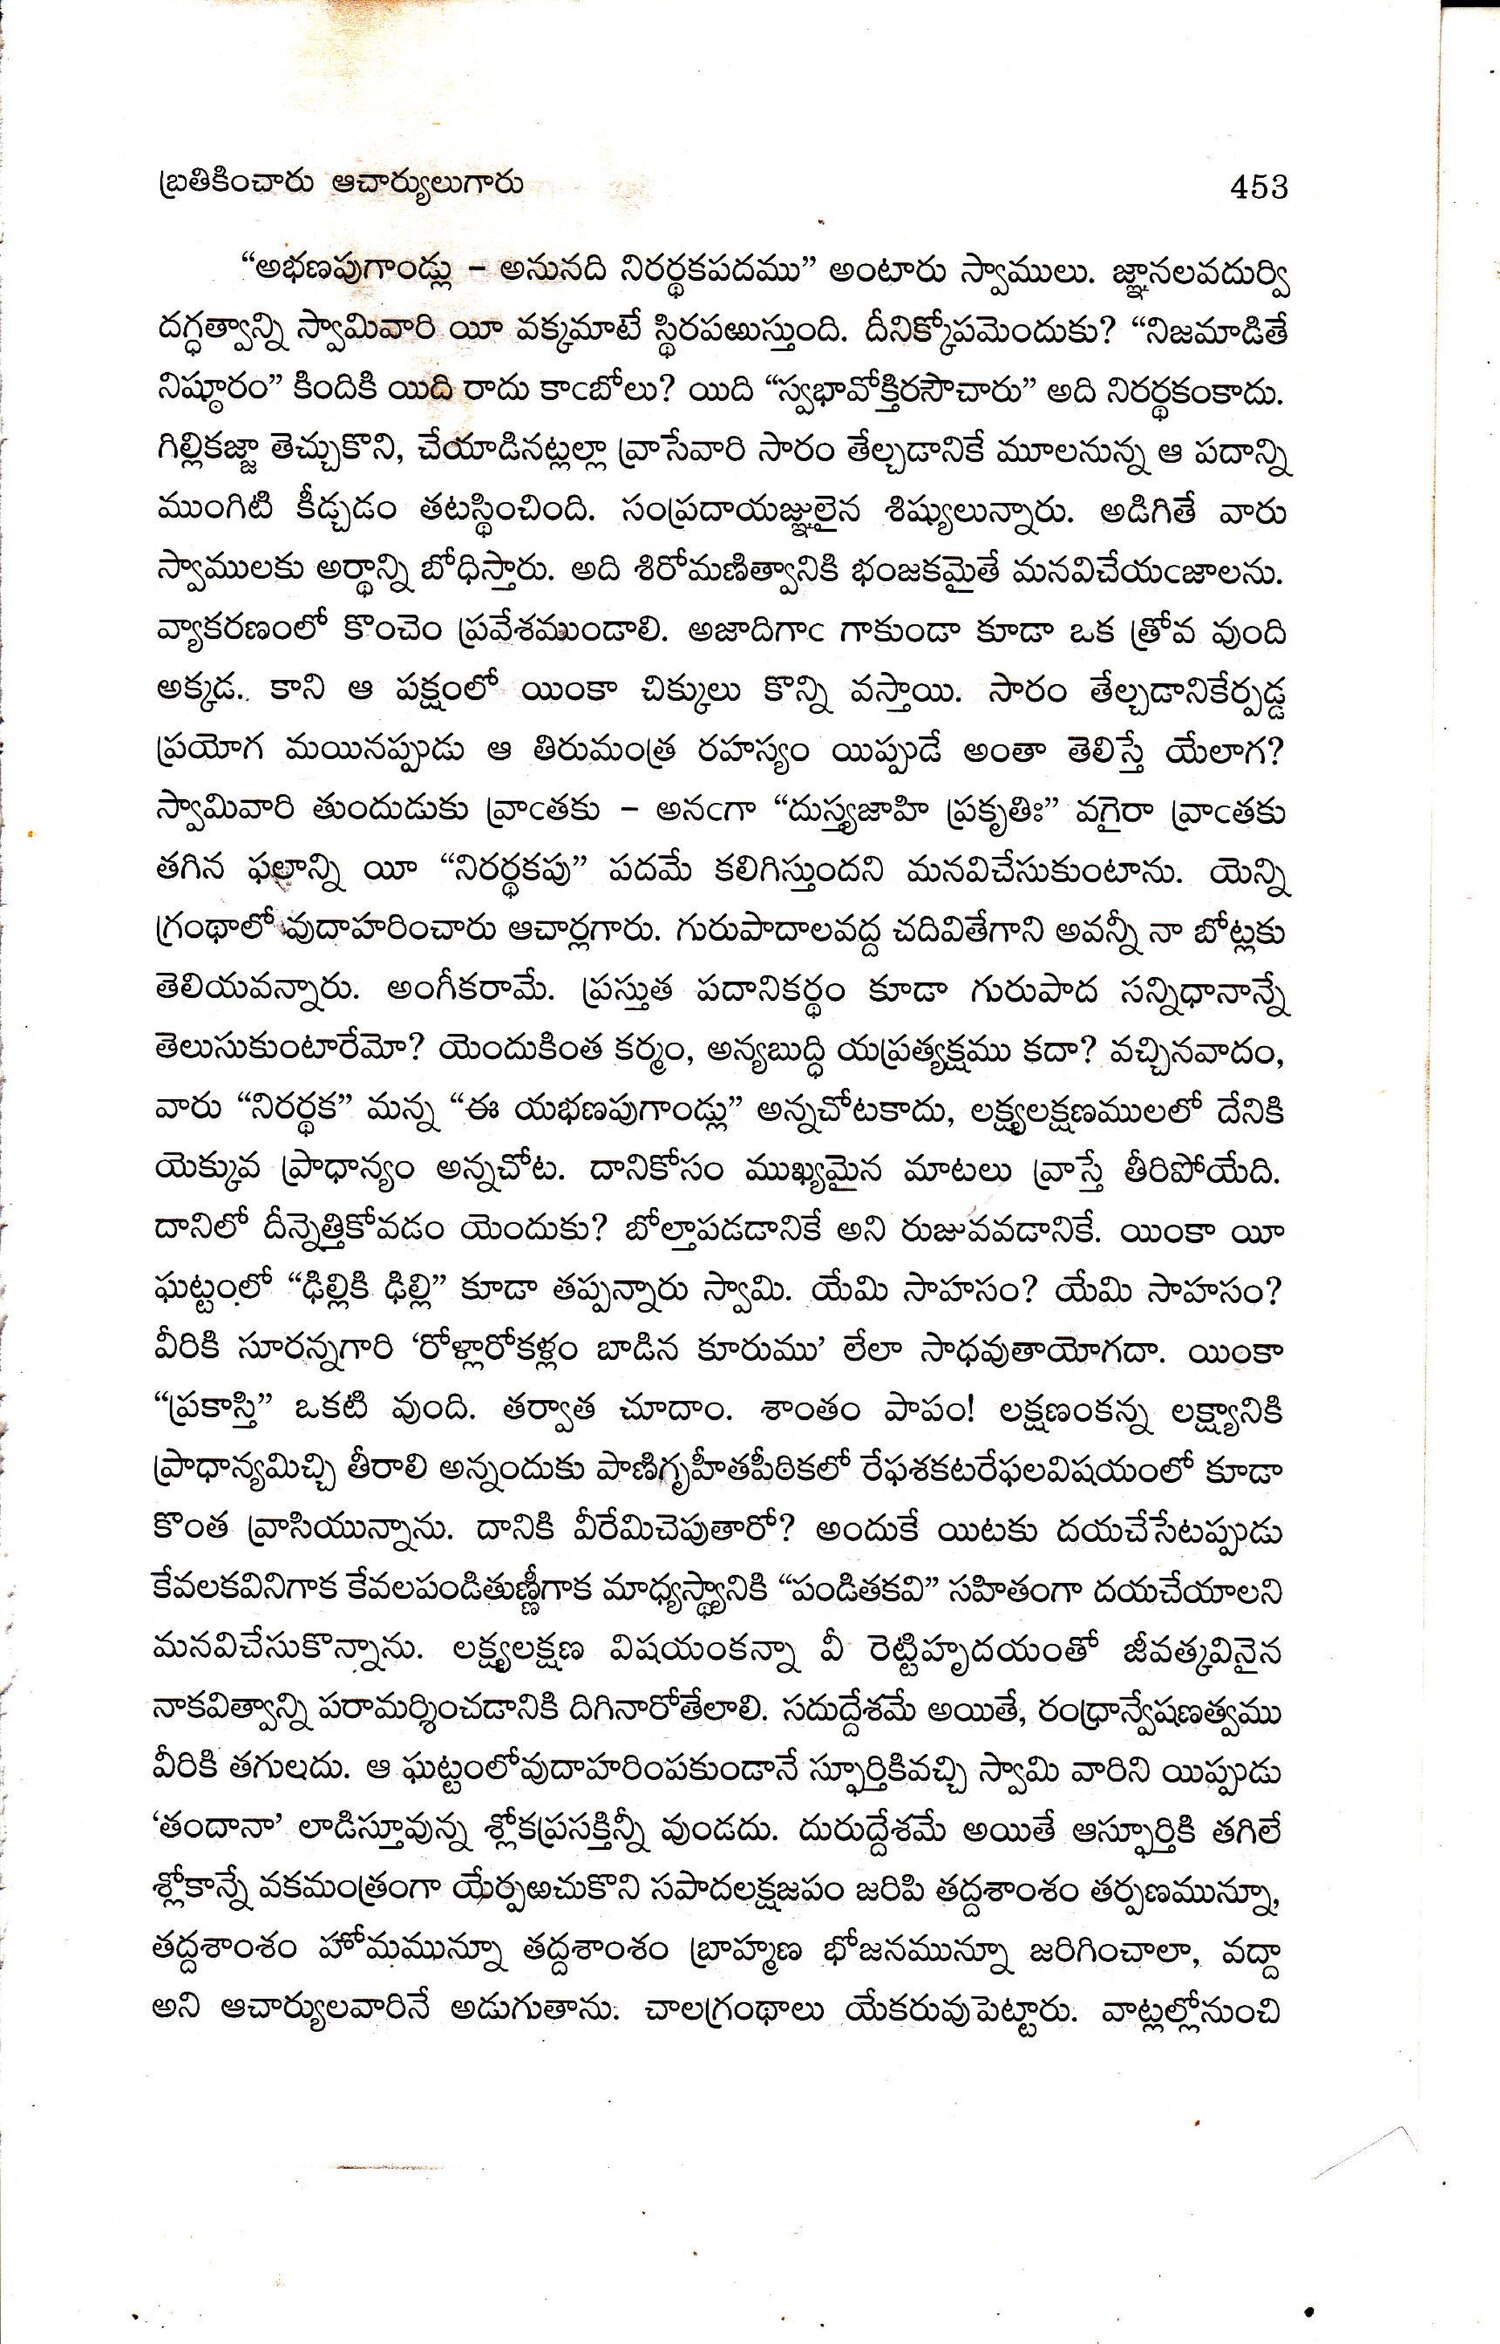"అభణపుగాండ్లు - అనునది నిరర్థకపదము" అంటారు స్వాములు. జ్ఞానలవదుర్విదగ్ధత్వాన్ని స్వామివారి యీ వక్కమాటే స్థిరపఱుస్తుంది. దీనిక్కోపమెందుకు? “నిజమాడితే నిష్ఠూరం" కిందికి యిది రాదు కాఁబోలు? యిది "స్వభావోక్తిరసౌచారు" అది నిరర్థకంకాదు. గిల్లికజ్జా తెచ్చుకొని, చేయాడినట్లల్లా వ్రాసేవారి సారం తేల్చడానికే మూలనున్న ఆ పదాన్ని ముంగిటి కీడ్చడం తటస్థించింది. సంప్రదాయజ్ఞులైన శిష్యులున్నారు. అడిగితే వారు స్వాములకు అర్థాన్ని బోధిస్తారు. అది శిరోమణిత్వానికి భంజకమైతే మనవిచేయఁజాలను. వ్యాకరణంలో కొంచెం ప్రవేశముండాలి. అజాదిగాఁ గాకుండా కూడా ఒక త్రోవ వుంది అక్కడ. కాని ఆ పక్షంలో యింకా చిక్కులు కొన్ని వస్తాయి. సారం తేల్చడానికేర్పడ్డ ప్రయోగ మయినప్పుడు ఆ తిరుమంత్ర రహస్యం యిప్పడే అంతా తెలిస్తే యేలాగ? స్వామివారి తుందుడుకు వ్రాఁతకు - అనంగా “దుస్త్యజాహి ప్రకృతిః" వగైరా వ్రాఁతకు తగిన ఫలాన్ని యీ "నిరర్థకపు" పదమే కలిగిస్తుందని మనవిచేసుకుంటాను. యెన్ని గ్రంథాలో వుదాహరించారు ఆచార్లగారు. గురుపాదాలవద్ద చదివితేగాని అవన్నీనా బోట్లకు తెలియవన్నారు. అంగీకరామే. ప్రస్తుత పదానికర్థం కూడా గురుపాద సన్నిధానాన్నే తెలుసుకుంటారేమో? యెందుకింత కర్మం, అన్యబుద్ధి యప్రత్యక్షము కదా? వచ్చినవాదం, వారు "నిరర్థక" మన్న “ఈ యభణపుగాండ్లు" అన్నచోటకాదు, లక్ష్యలక్షణములలో దేనికి యెక్కువ ప్రాధాన్యం అన్నచోట. దానికోసం ముఖ్యమైన మాటలు వ్రాస్తే తీరిపోయేది. దానిలో దీన్నెత్తికోవడం యెందుకు? బోల్తాపడడానికే అని రుజువవడానికే. యింకా యీ ఘట్టంలో “ఢిల్లికి ఢిల్లి" కూడా తప్పన్నారు స్వామి. యేమి సాహసం? యేమి సాహసం? వీరికి సూరన్నగారి 'రోళ్లారోకళ్లం బాడిన కూరుము' లేలా సాధవుతాయోగదా. యింకా “ప్రకాస్తి" ఒకటి వుంది. తర్వాత చూదాం. శాంతం పాపం! లక్షణంకన్న లక్ష్యానికి ప్రాధాన్యమిచ్చి తీరాలి అన్నందుకు పాణిగృహీతపీఠికలో రేఫశకటరేఫలవిషయంలో కూడా కొంత వ్రాసియున్నాను. దానికి వీరేమిచెపుతారో? అందుకే యిటకు దయచేసేటప్పుడు కేవలకవినిగాక కేవలపండితుణ్ణీగాక మాధ్యస్థ్యానికి "పండితకవి’ సహితంగా దయచేయాలని మనవిచేసుకొన్నాను. లక్ష్యలక్షణ విషయంకన్నా వీ రెట్టిహృదయంతో జీవత్కవినైన నాకవిత్వాన్ని పరామర్శించడానికి దిగినారోతేలాలి. సదుద్దేశమే అయితే, రంధ్రాన్వేషణత్వము వీరికి తగులదు. ఆ ఘట్టంలోవుదాహరింపకుండానే స్ఫూర్తికివచ్చి స్వామి వారిని యిప్పుడు 'తందానా' లాడిస్తూవున్న శ్లోకప్రసక్తిన్నీ వుండదు. దురుద్దేశమే అయితే ఆస్ఫూర్తికి తగిలే శ్లోకాన్నే వకమంత్రంగా యేర్పఱచుకొని సపాదలక్షజపం జరిపి తద్దశాంశం తర్పణమున్నూ తద్దశాంశం హోమమున్నూ తద్దశాంశం బ్రాహ్మణ భోజనమున్నూ జరిగించాలా, వద్దా అని ఆచార్యులవారినే అడుగుతాను. చాలగ్రంథాలు యేకరువుపెట్టారు. వాట్లల్లోనుంచి